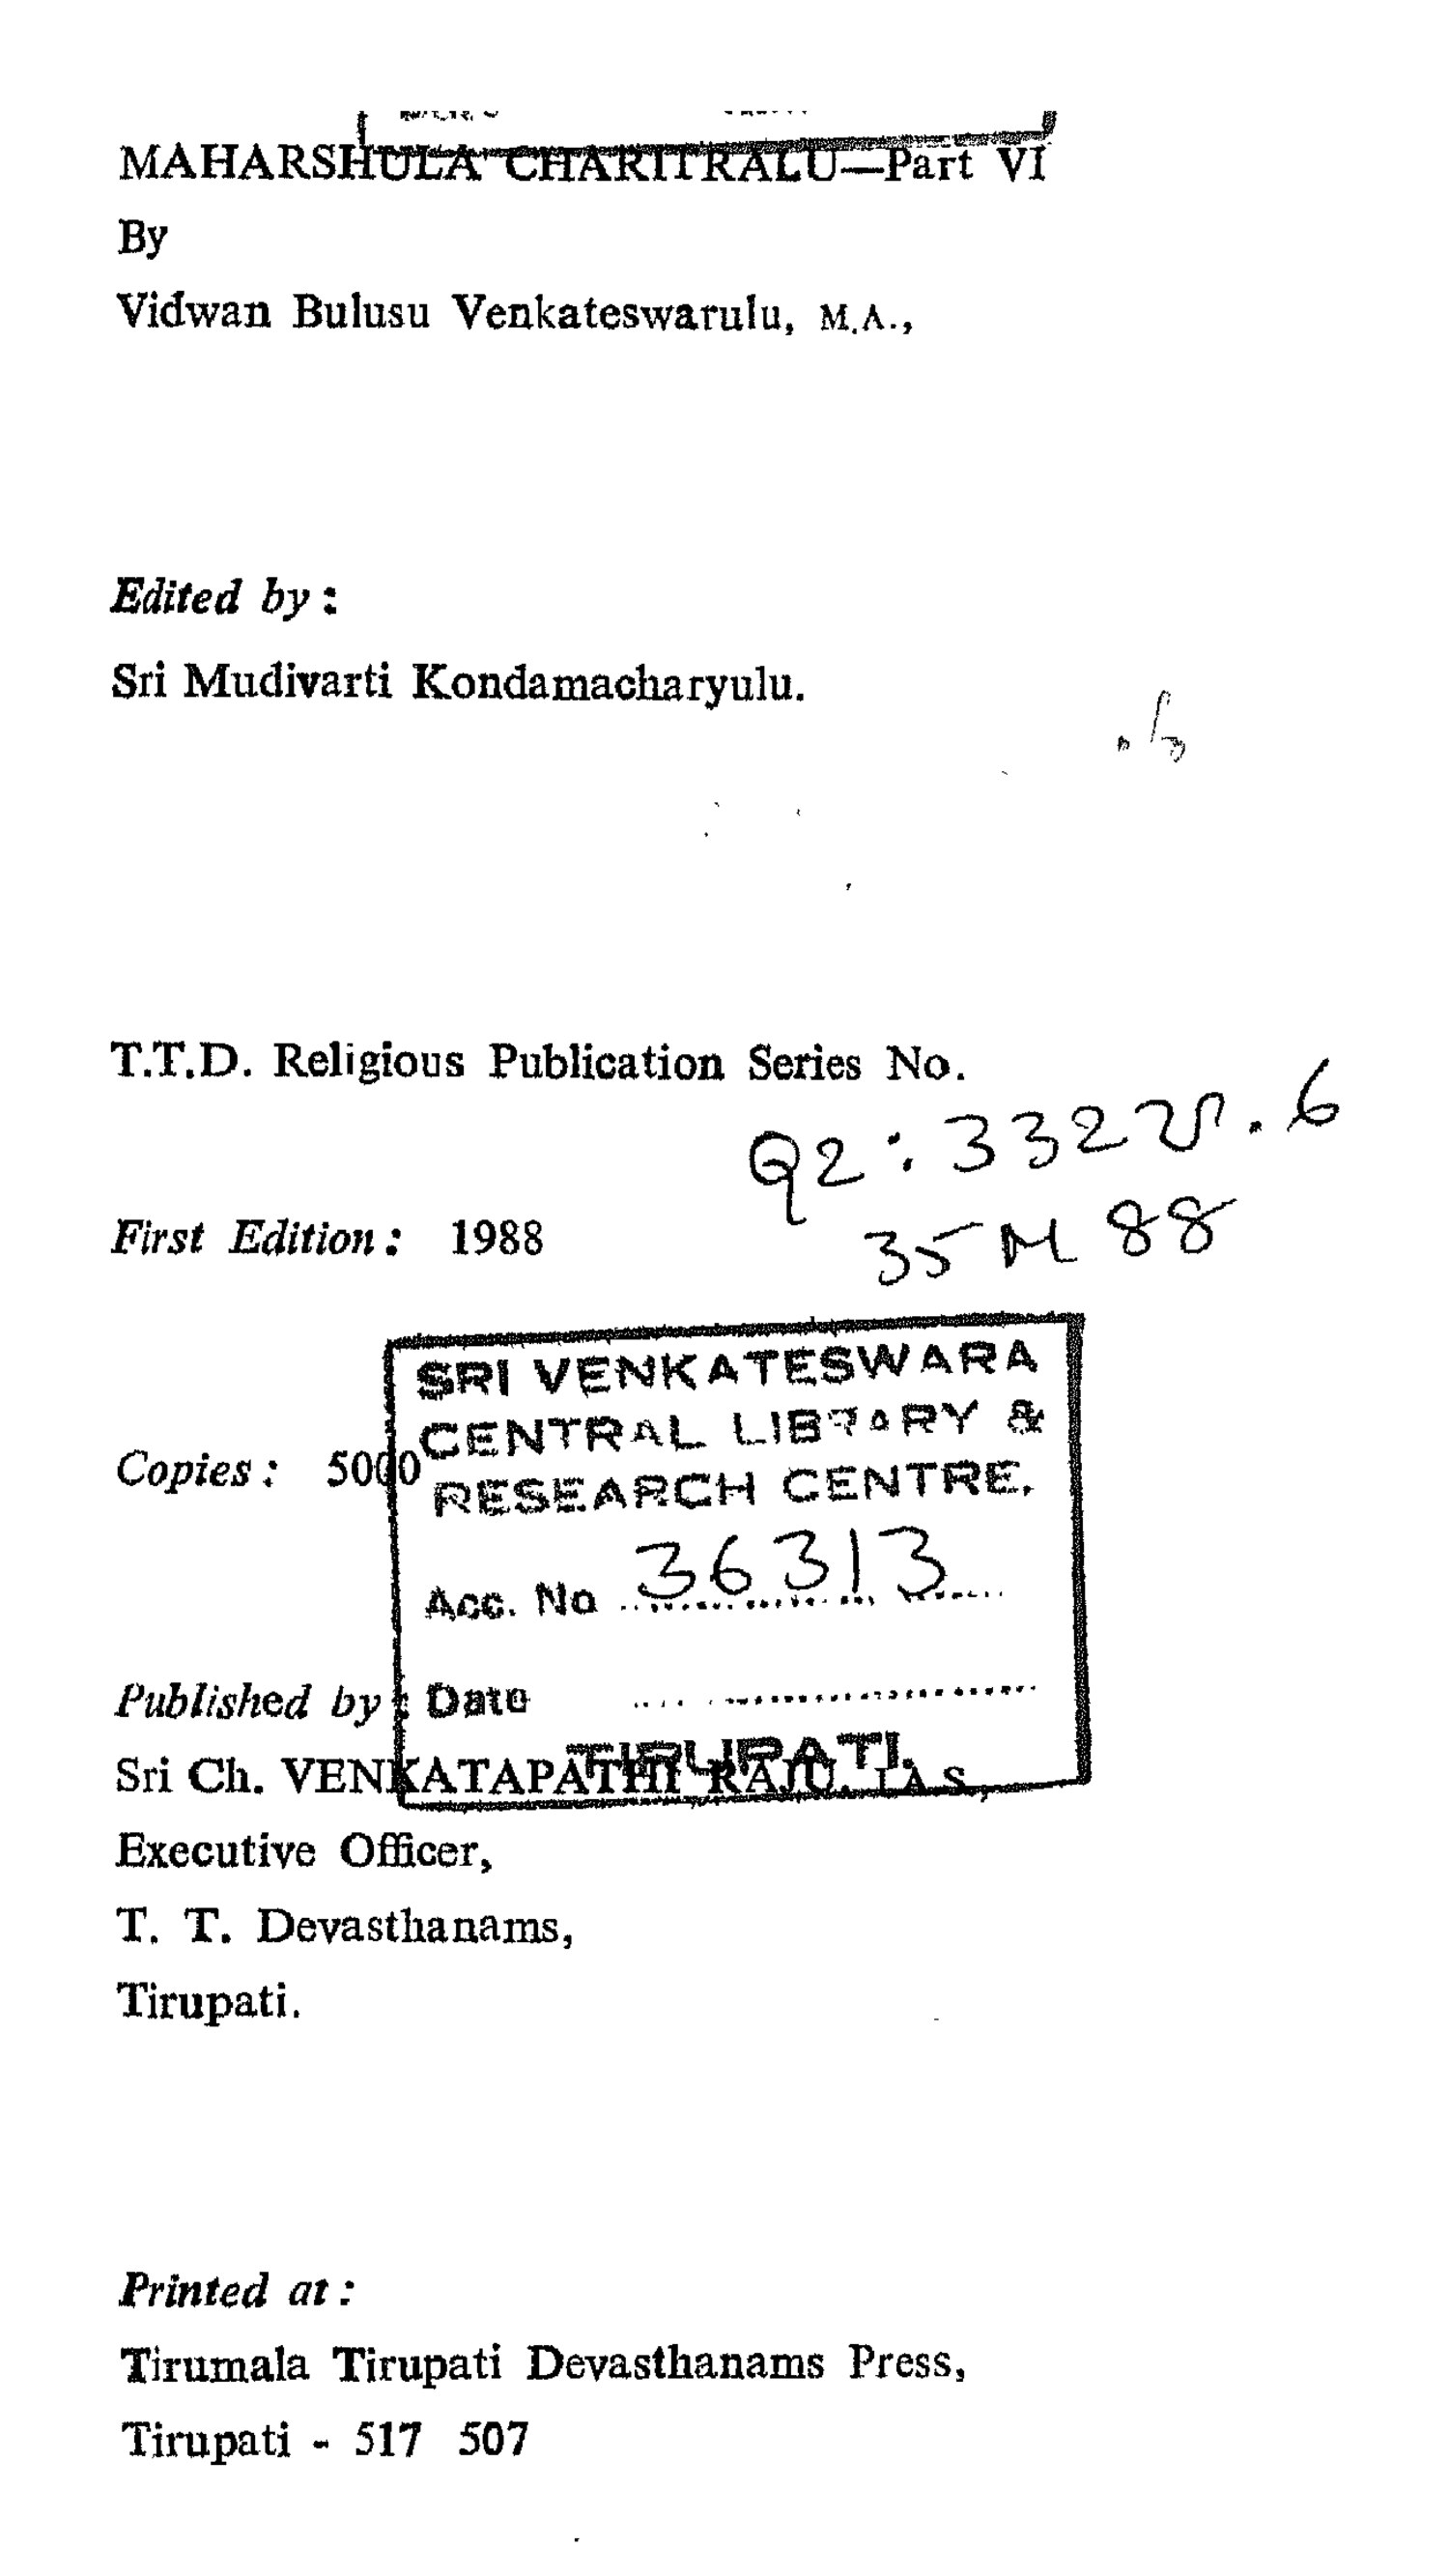MAHARSHULA CHARITRALU - Part VI

By

Vidwan Bulusu Venkateswarulu, M.A.,

Edited by :

Sri Mudivarti Kondamacharyulu.

T.T,D. Religious Publication Serisa No.

First Edition : 1988

Copies : 5000

Published by :

Sri Ch. VENKATAPATHI RAJU, I.A.S.,

Executive Officer,

T. T. Devasthanams,

Tirupati.